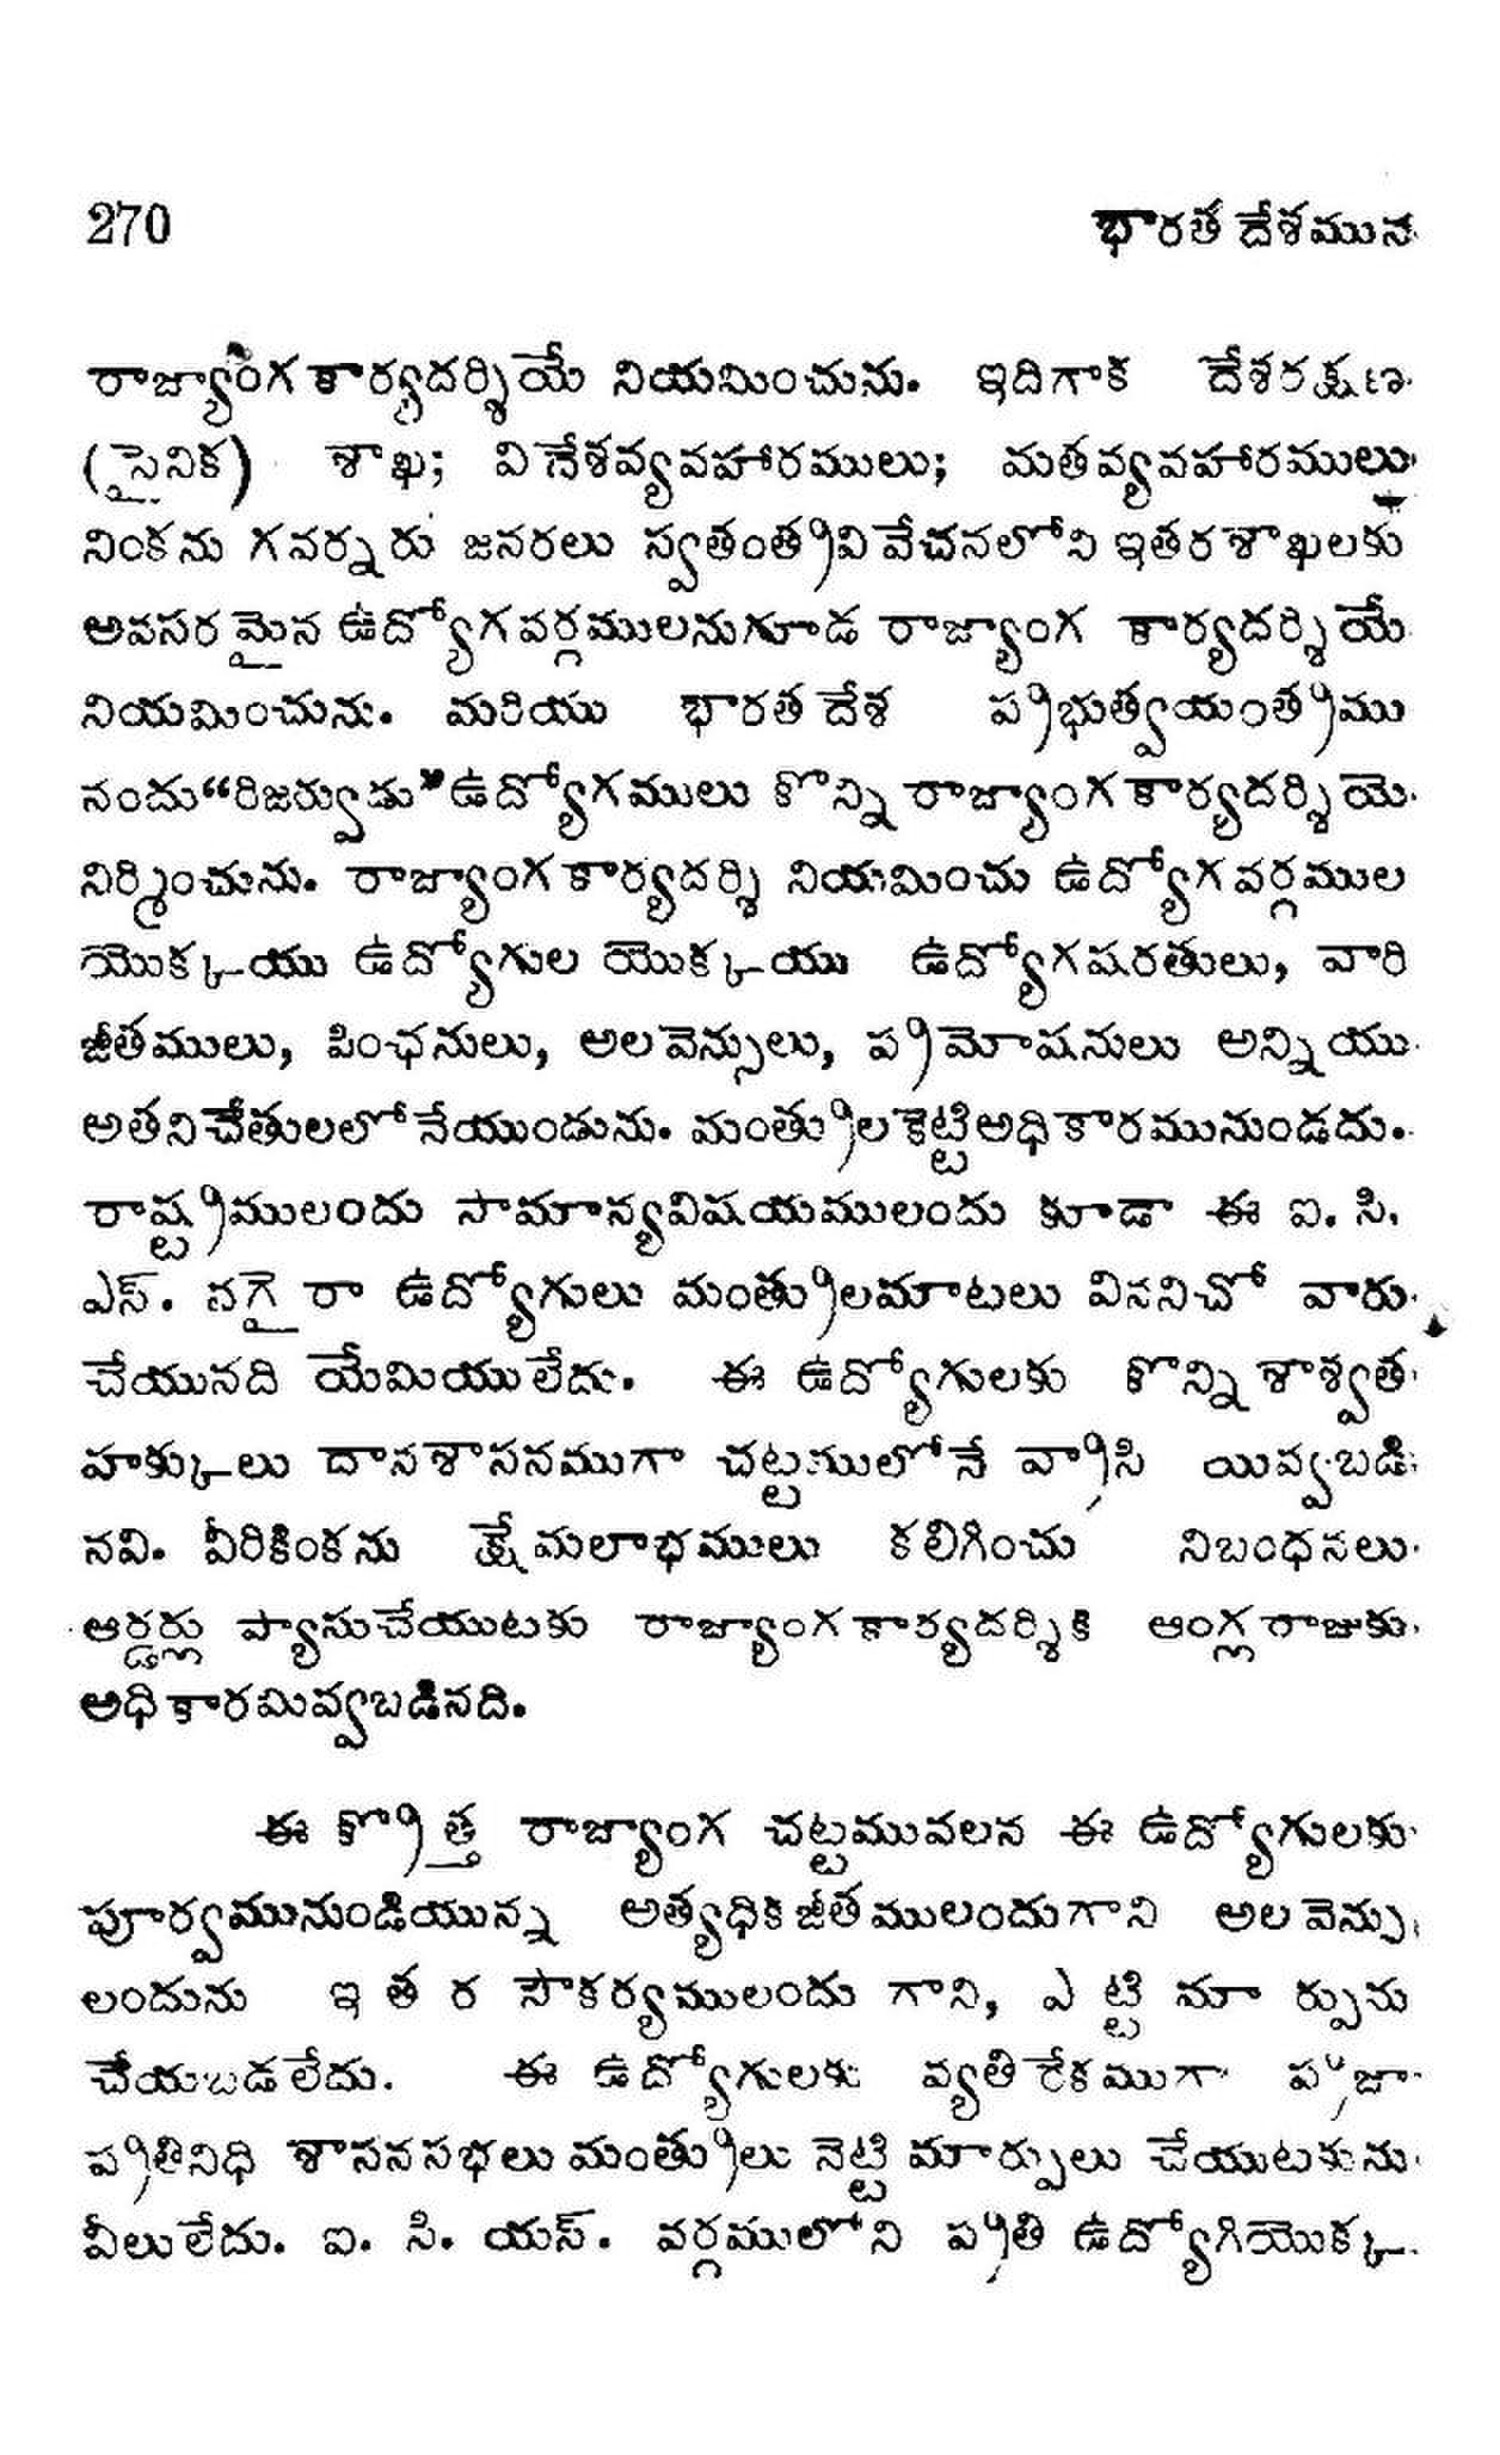రాజ్యాంగకార్యదర్శియే నియమించును. ఇదిగాక దేశరక్షణ( సైనిక) శాఖ, విదేశవ్యవహారములు; మతవ్యవహారములు నింకను గవర్నరు జనరలు స్వతంత్రవివేచనలోని ఇతరశాఖలకు అవసరమైన ఉద్యోగవర్గములనుగూడ రాజ్యాంగ కార్యదర్శియే నియమించును. మరియు భారతదేశ ప్రభుత్వయంత్రము నందు “రిజర్వుడు" ఉద్యోగములు కొన్ని రాజ్యాంగకార్యదర్శియె. నిర్మించును. రాజ్యాంగకార్యదర్శి నియమించు ఉద్యోగవర్గములయొక్కయు ఉద్యోగుల యొక్కయు ఉద్యోగషరతులు, వారి జీతములు, పింఛనులు, అలవెన్సులు, ప్రమోషనులు అన్నియు అతనిచేతులలోనేయుండును. మంత్రులకెట్టి అధికారమునుండదు. రాష్ట్రములందు సామాన్యవిషయములందు కూడా ఈ ఐ. సి. ఎస్. వగైరా ఉద్యోగులు మంత్రులమాటలు విననిచో వారు చేయునది యేమియులేదు. ఈ ఉద్యోగులకు కొన్నిశాశ్వత హక్కులు దానశాసనముగా చట్టములోనే వ్రాసి యివ్వబడినవి. వీరికింకను క్షేమలాభములు కలిగించు నిబంధనలు. ఆర్డర్లు ప్యాసుచేయుటకు రాజ్యాంగకార్యదర్శికి ఆంగ్లరాజుకు, అధికారమివ్వబడినది.

ఈ క్రొత్త రాజ్యాంగ చట్టమువలన ఈ ఉద్యోగులకు పూర్వమునుండియున్న అత్యధిక జీతములందుగాని అలవెన్సు లందును ఇతర సౌకర్యములందు గాని, ఎట్టి మార్పును చేయబడలేదు. ఈ ఉద్యోగులకు వ్యతిరేకముగా పజూప్రతినిధి శాసనసభలు మంత్రులు నెట్టి మార్పులు చేయుటకును వీలులేదు. ఐ. సి. యస్. వర్గములోని ప్రతి ఉద్యోగియొక్క.